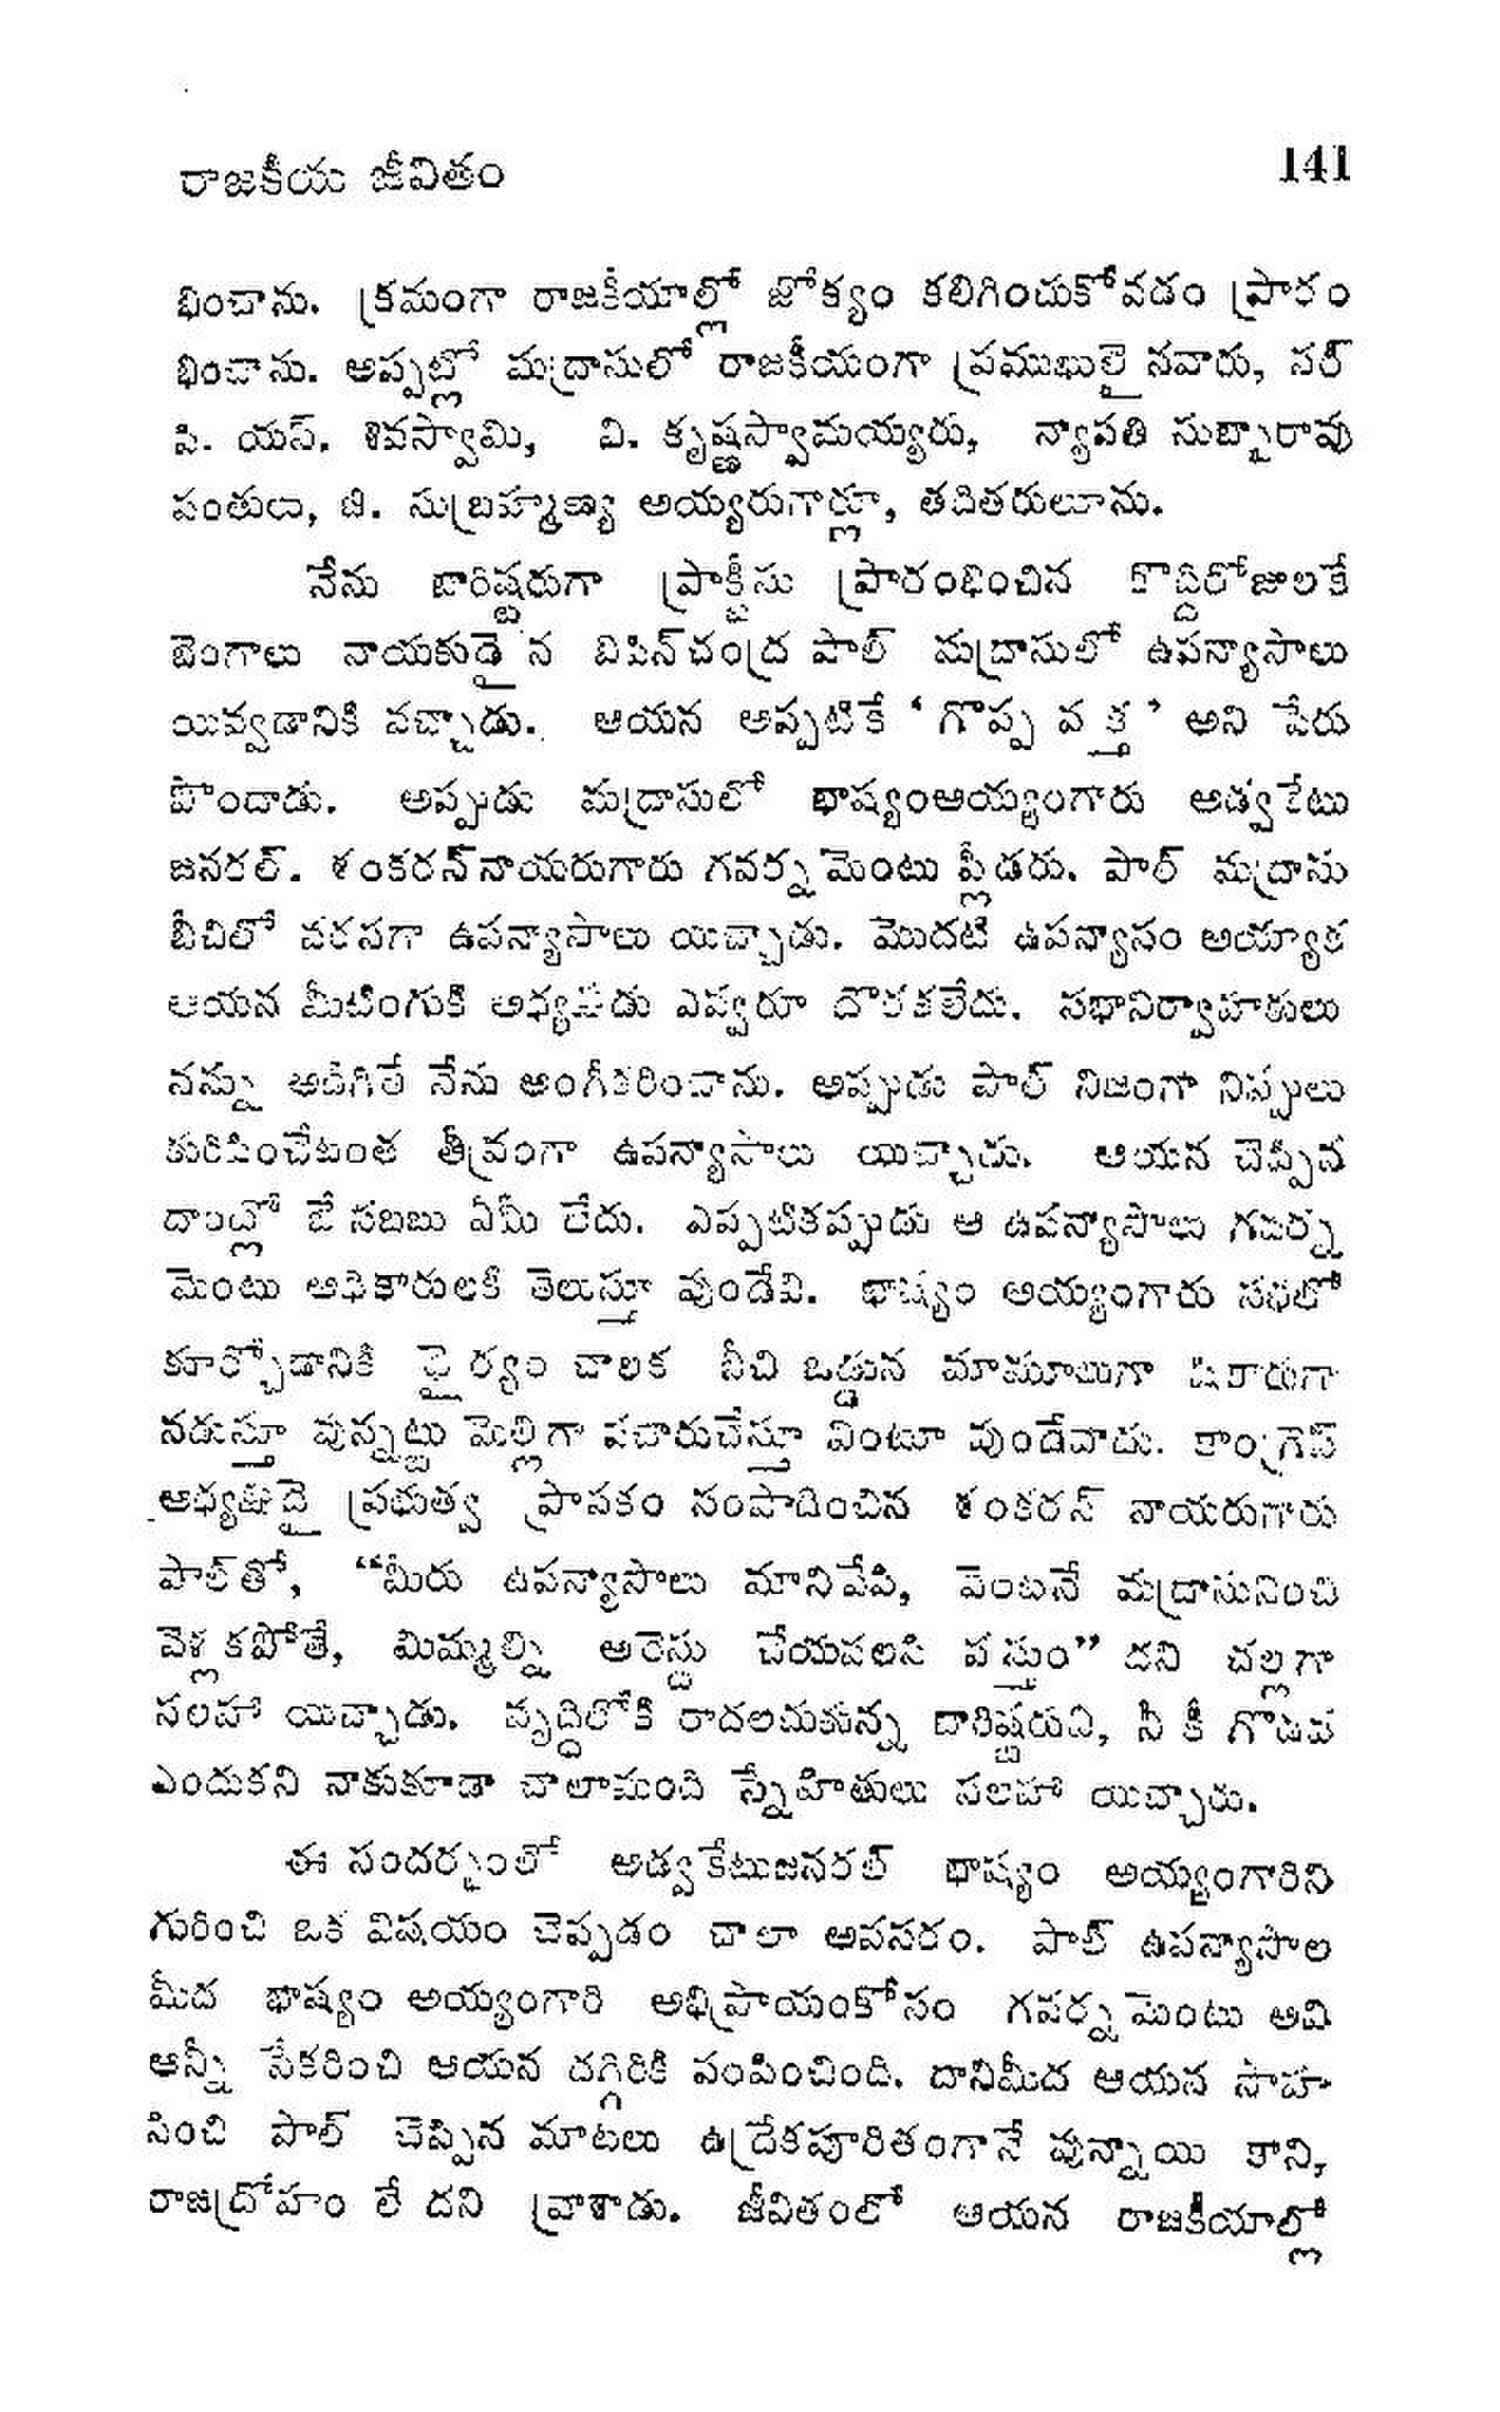భించాను. క్రమంగా రాజకీయాల్లో జోక్యం కలిగించుకోవడం ప్రారంభించాను. అప్పట్లో మద్రాసులో రాజకీయంగా ప్రముఖులైన వారు, సర్ సి. యస్. శివస్వామి, వి. కృష్ణస్వామయ్యరు, న్యాపతి సుబ్బారావు పంతులు, జి. సుబ్రహ్మణ్య అయ్యరుగార్లూ, తదితరులూను.

నేను బారిష్టరుగా ప్రాక్టీసు ప్రారంభించిన కొద్దిరోజులకే బెంగాలు నాయకుడైన విపిన్‌చంద్ర పాల్ మద్రాసులో ఉపన్యాసాలు యివ్వడానికి వచ్చాడు. ఆయన అప్పటికే 'గొప్ప వక్త' అని పేరు పొందాడు. అప్పుడు మద్రాసులో భాష్యంఅయ్యంగారు అడ్వకేటు జనరల్. శంకరన్‌ నాయరుగారు గవర్నమెంటు ప్లీడరు. పాల్ మద్రాసు బీచిలో వరసగా ఉపన్యాసాలు యిచ్చాడు. మొదటి ఉపన్యాసం అయ్యాక ఆయన మీటింగుకి అధ్యక్షుడు ఎవ్వరూ దొరకలేదు. సభానిర్వాహకులు నన్ను అడిగితే నేను అంగీకరించాను. అప్పుడు పాల్ నిజంగా నిప్పులు కురిపించేటంత తీవ్రంగా ఉపన్యాసాలు యిచ్చాడు. ఆయన చెప్పిన దాంట్లో బే సబబు ఏమీ లేదు. ఎప్పటికప్పుడు ఆ ఉపన్యాసాలు గవర్నమెంటు అధికారులకి తెలుస్తూ వుండేవి. భాష్యం అయ్యంగారు సభలో కూర్చోడానికి ధైర్యం చాలక బీచి ఒడ్డున మామూలుగా షికారుగా నడుస్తూ వున్నట్టు మెల్లిగా పచారుచేస్తూ వింటూ వుండేవాడు. కాంగ్రెస్ అధ్యక్షుడై ప్రభుత్వ ప్రాపకం సంపాదించిన శంకరన్ నాయరుగారు పాల్‌తో, "మీరు ఉపన్యాసాలు మానివేసి, వెంటనే మద్రాసునించి వెళ్లకపోతే, మిమ్మల్ని అరెస్టు చేయవలసి వస్తుం" దని చల్లగా సలహా యిచ్చాడు. వృద్ధిలోకి రాదలచుకున్న బారిష్టరువి, నీకీ గొడవ ఎందుకని నాకుకూడా చాలామంది స్నేహితులు సలహా యిచ్చారు.

ఈ సందర్భంలో అడ్వకేటుజనరల్ భాష్యం అయ్యంగారిని గురించి ఒక విషయం చెప్పడం చాలా అవసరం. పాల్ ఉపన్యాసాల మీద భాష్యం అయ్యంగారి అభిప్రాయంకోసం గవర్నమెంటు అవి అన్నీ సేకరించి ఆయన దగ్గిరికి పంపించింది. దానిమీద ఆయన సాహసించి పాల్ చెప్పిన మాటలు ఉద్రేకపూరితంగానే వున్నాయి కాని, రాజద్రోహం లేదని వ్రాశాడు. జీవితంలో ఆయన రాజకీయాల్లో